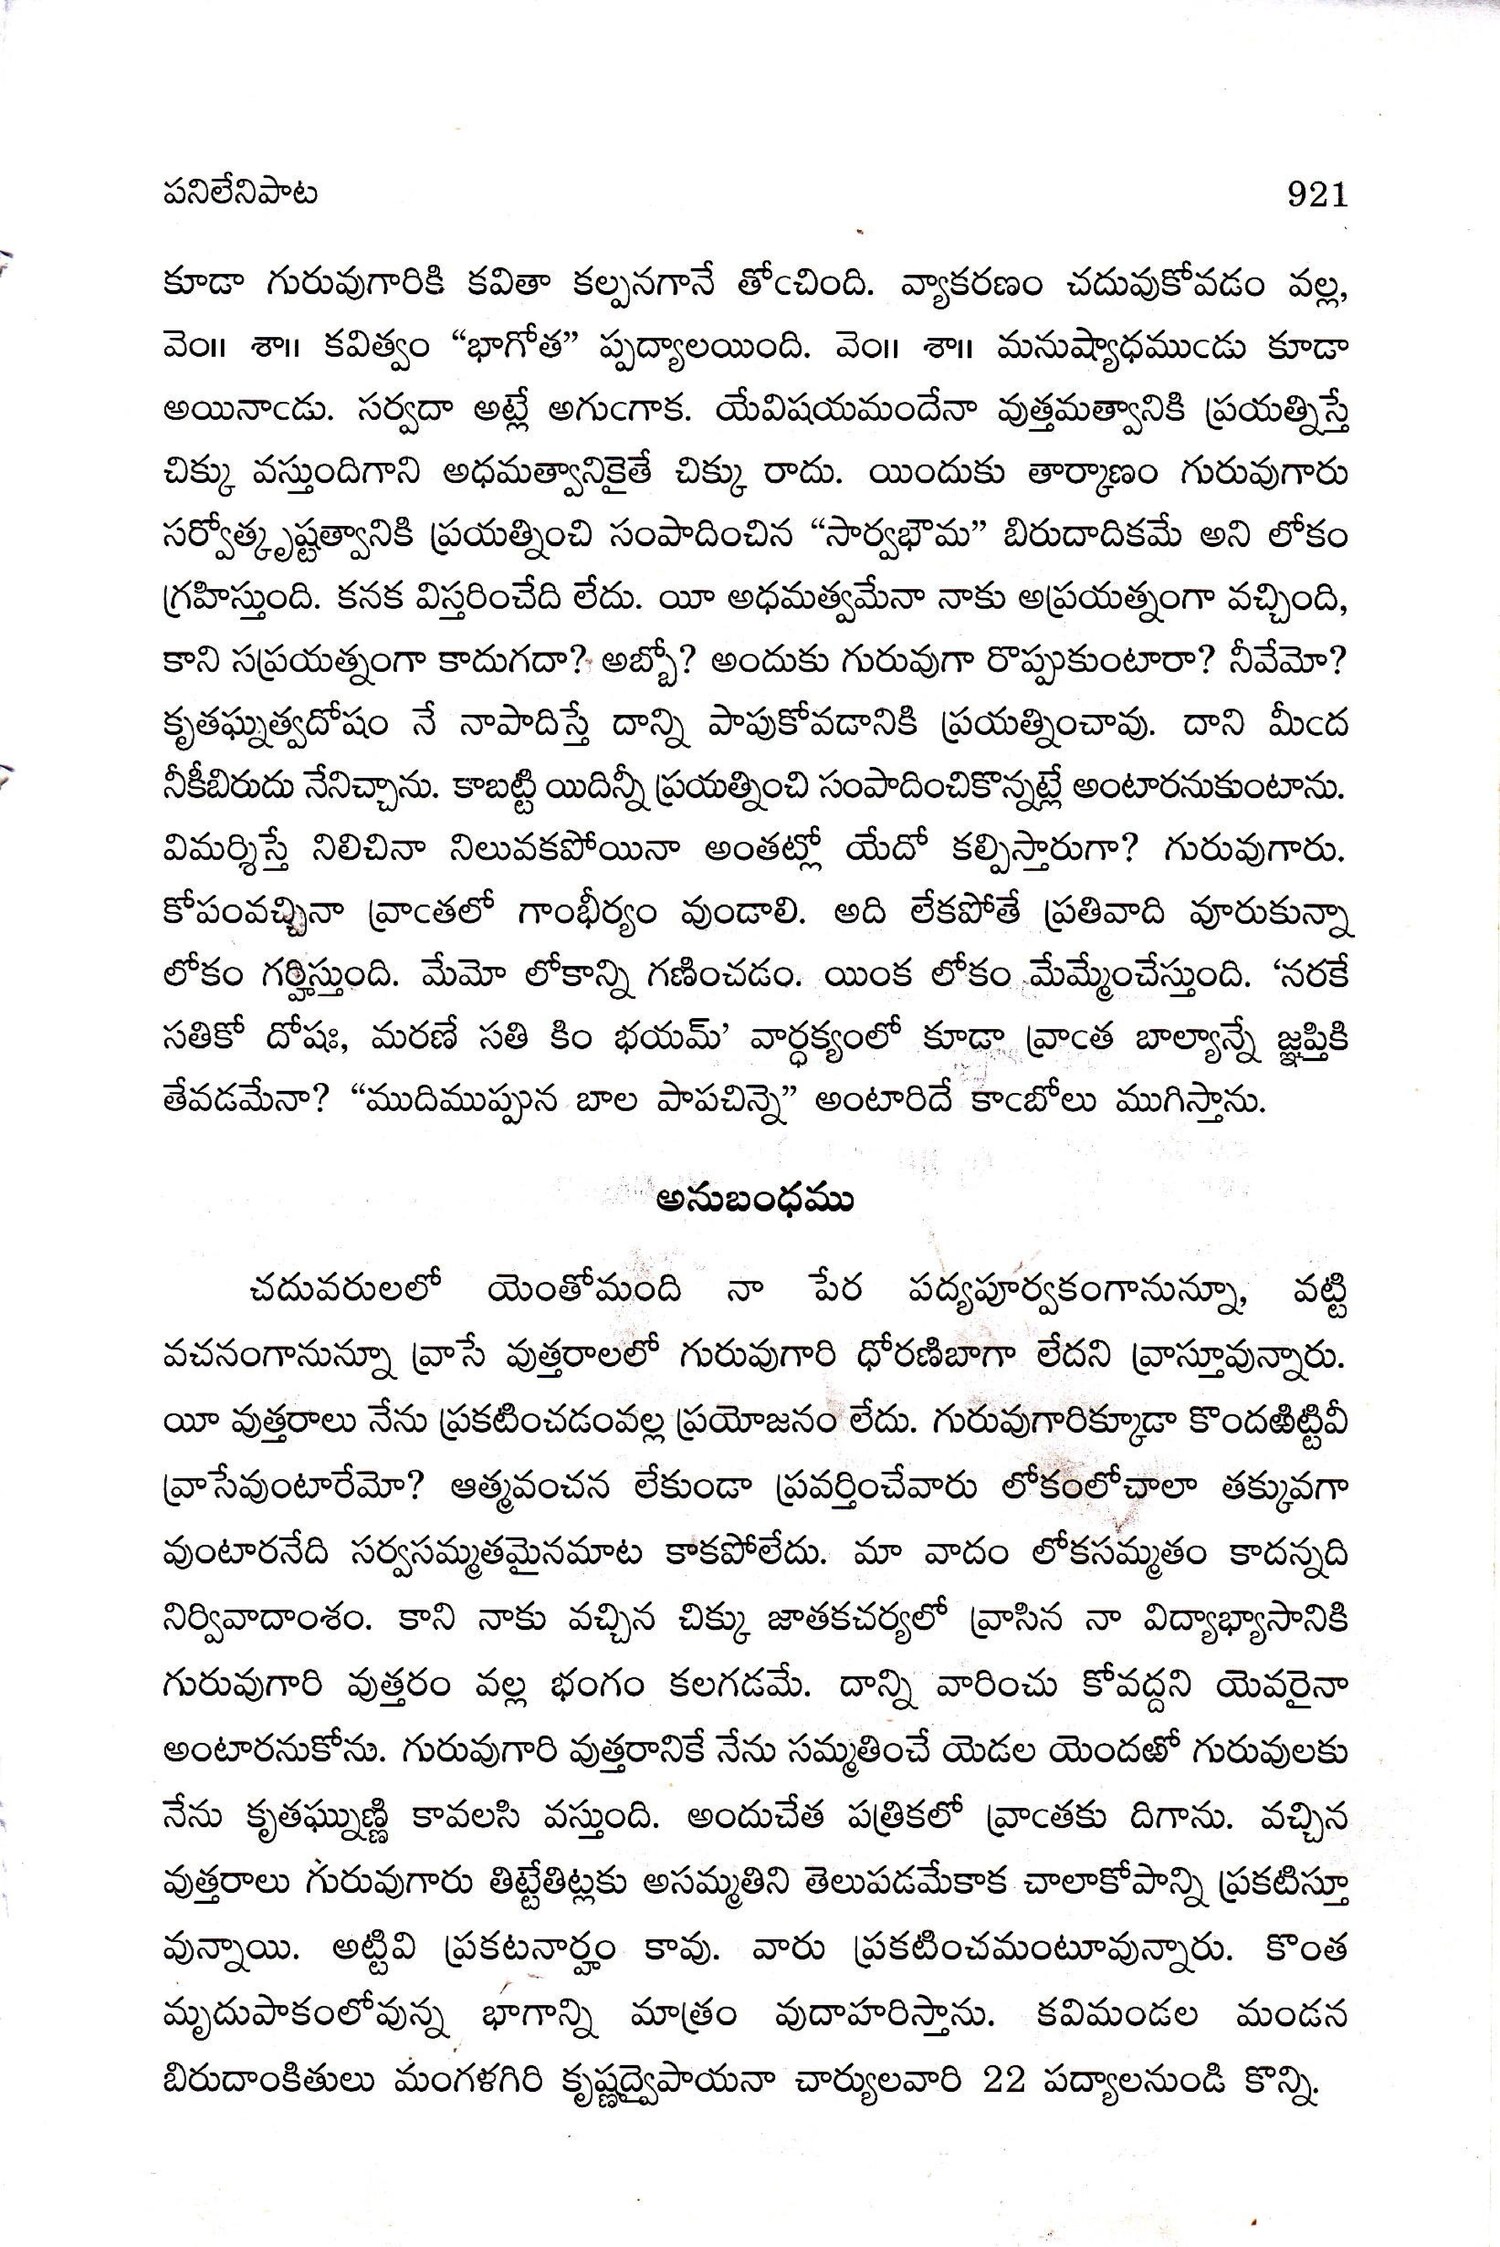కూడా గురువుగారికి కవితా కల్పనగానే తోఁచింది. వ్యాకరణం చదువుకోవడం వల్ల, వెంll శాII కవిత్వం “భాగోత్ర" ప్పద్యాలయింది. వెంll శాII మనుష్యాధముఁడు కూడా అయినాఁడు. సర్వదా అట్లే అగుఁగాక. యేవిషయమందేనా వుత్తమత్వానికి ప్రయత్నిస్తే చిక్కు వస్తుందిగాని అధమత్వానికైతే చిక్కు రాదు. యిందుకు తార్కాణం గురువుగారు సర్వోత్కృష్టత్వానికి ప్రయత్నించి సంపాదించిన “సార్వభౌమ' బిరుదాదికమే అని లోకం గ్రహిస్తుంది. కనక విస్తరించేది లేదు. యీ అధమత్వమేనా నాకు అప్రయత్నంగా వచ్చింది, కాని సప్రయత్నంగా కాదుగదా? అబ్బో? అందుకు గురువుగా రొప్పుకుంటారా? నీవేమో? కృతఘ్నత్వదోషం నే నాపాదిస్తే దాన్ని పాపుకోవడానికి ప్రయత్నించావు. దాని మీఁద నీకీబిరుదు నేనిచ్చాను. కాబట్టి యిదిన్నీ ప్రయత్నించి సంపాదించికొన్నట్లే అంటారనుకుంటాను. విమర్శిస్తే నిలిచినా నిలువకపోయినా అంతట్లో యేదో కల్పిస్తారుగా? గురువుగారు. కోపంవచ్చినా వ్రాఁతలో గాంభీర్యం వుండాలి. అది లేకపోతే ప్రతివాది వూరుకున్నా లోకం గర్హిస్తుంది. మేమో లోకాన్ని గణించడం. యింక లోకం మేమ్మేంచేస్తుంది. 'నరకే సతికో దోషః, మరణే సతి కిం భయమ్" వార్ధక్యంలో కూడా వ్రాఁత బాల్యాన్నే జ్ఞప్తికి తేవడమేనా? "ముదిముప్పున బాల పాపచిన్నె" అంటారిదే కాఁబోలు ముగిస్తాను.

చదువరులలో యెంతోమంది నా పేర పద్యపూర్వకంగానున్నూ, వట్టి వచనంగానున్నూ వ్రాసే వుత్తరాలలో గురువుగారి ధోరణిబాగా లేదని వ్రాస్తూవున్నారు. యీ వుత్తరాలు నేను ప్రకటించడంవల్ల ప్రయోజనం లేదు. గురువుగారిక్కూడా కొందఱిట్టివీ వ్రాసేవుంటారేమో? ఆత్మవంచన లేకుండా ప్రవర్తించేవారు లోకంలో చాలా తక్కువగా వుంటారనేది సర్వసమ్మతమైనమాట కాకపోలేదు. మా వాదం లోకసమ్మతం కాదన్నది నిర్వివాదాంశం. కాని నాకు వచ్చిన చిక్కు జాతకచర్యలో వ్రాసిన నా విద్యాభ్యాసానికి గురువుగారి వుత్తరం వల్ల భంగం కలగడమే. దాన్ని వారించు కోవద్దని యెవరైనా అంటారనుకోను. గురువుగారి వుత్తరానికే నేను సమ్మతించే యెడల యెందఱో గురువులకు నేను కృతఘ్నుణ్ణి కావలసి వస్తుంది. అందుచేత పత్రికలో వ్రాఁతకు దిగాను. వచ్చిన వుత్తరాలు గురువుగారు తిట్టేతిట్లకు అసమ్మతిని తెలుపడమేకాక చాలాకోపాన్ని ప్రకటిస్తూ వున్నాయి. అట్టివి ప్రకటనార్హం కావు. వారు ప్రకటించమంటూవున్నారు. కొంత మృదుపాకంలోవున్న భాగాన్ని మాత్రం వుదాహరిస్తాను. కవిమండల మండన బిరుదాంకితులు మంగళగిరి కృష్ణద్వైపాయనా చార్యులవారి 22 పద్యాలనుండి కొన్ని